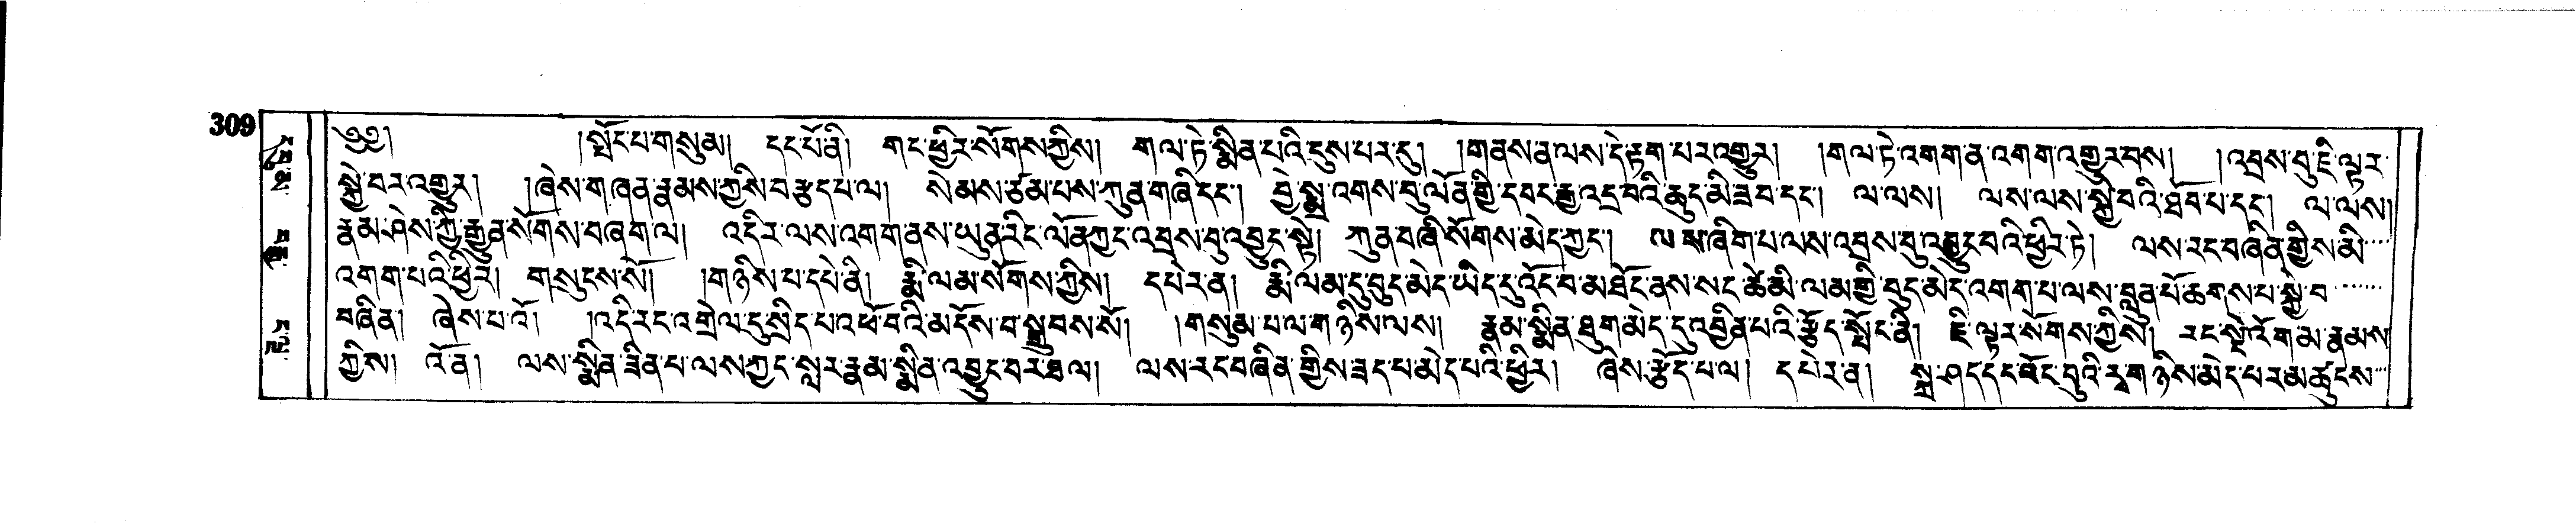༄༅། །སྤོང་པ་གསུམ། དང་པོ་ནི། གང་ཕྱིར་སོགས་ཀྱིས། གལ་ཏེ་སྨིན་པའི་དུས་པར་དུ། །གནས་ན་ལས་དེ་རྟག་པར་འགྱུར། །གལ་ཏེ་འགག་ན་འགག་འགྱུར་བས། །འབྲས་བུ་ཇི་ལྟར་
སྐྱེ་བར་འགྱུར། །ཞེས་གཞན་རྣམས་ཀྱིས་བརྩད་པ་ལ། སེམས་ཙམ་པས་ཀུན་གཞི་དང་། བྱེ་སྨྲ་འགས་བུ་ལོན་གྱི་དབང་རྒྱ་འདྲ་བའི་ཆུད་མི་ཟབ་དང་། ལ་ལས། ལས་ལས་སྐྱེ་བའི་ཐོབ་པ་དང་། ལ་ལས།
རྣམ་ཤེས་ཀྱི་རྒྱུན་སོགས་བཞག་ལ། འདིར་ལས་འགག་ནས་ཡུན་རིང་ལོན་ཀྱང་འབྲས་བུ་འབྱུང་སྟེ། ཀུན་བཞི་སོགས་མེད་ཀྱང་། ལས་ཞིག་པ་ལས་འབྲས་བུ་འབྱུང་བའི་ཕྱིར་ཏེ། ལས་རང་བཞིན་གྱིས་མི་
འགག་པའི་ཕྱིར། གསུངས་སོ། །གཉིས་པ་དཔེ་ནི། རྨི་ལམ་སོགས་ཀྱིས། དཔེར་ན། རྨི་ལམ་དུ་བུད་མེད་ཡིད་དུ་འོང་བ་མཐོང་ནས་སྣང་ཚེ་མི་ལམ་གྱི་བུད་མེད་འགག་པ་ལས་བླུན་པོ་ཆགས་པ་སྐྱེ་བ་
བཞིན། ཞེས་པ་འོ། །འདི་རང་འགྲེལ་དུ་སྲིད་པ་འཕོ་བའི་མདོས་བ་སྒྲུབས་སོ། །གསུམ་པ་ལ་གཉིས་ལས། རྣམ་སྨིན་ཐུག་མེད་དུ་འབྱིན་པའི་རྩོད་སྤོང་ནི། ཇི་ལྟར་སོགས་ཀྱིས། རང་སྔེ་འོག་མ་རྣམས་
ཀྱིས། འོ་ན། ལས་སྨིན་ཟིན་པ་ལས་ཀྱང་སླར་རྣམ་སྨིན་འབྱུང་བར་ཐལ། ལས་རང་བཞིན་གྱིས་ཟད་པ་མེད་པའི་ཕྱིར། ཞེས་རྩོད་པ་ལ། དཔེར་ན། སྐྲ་ཤད་དང་བོང་བུའི་རྭ་གཉིས་མེད་པར་མཚུངས་